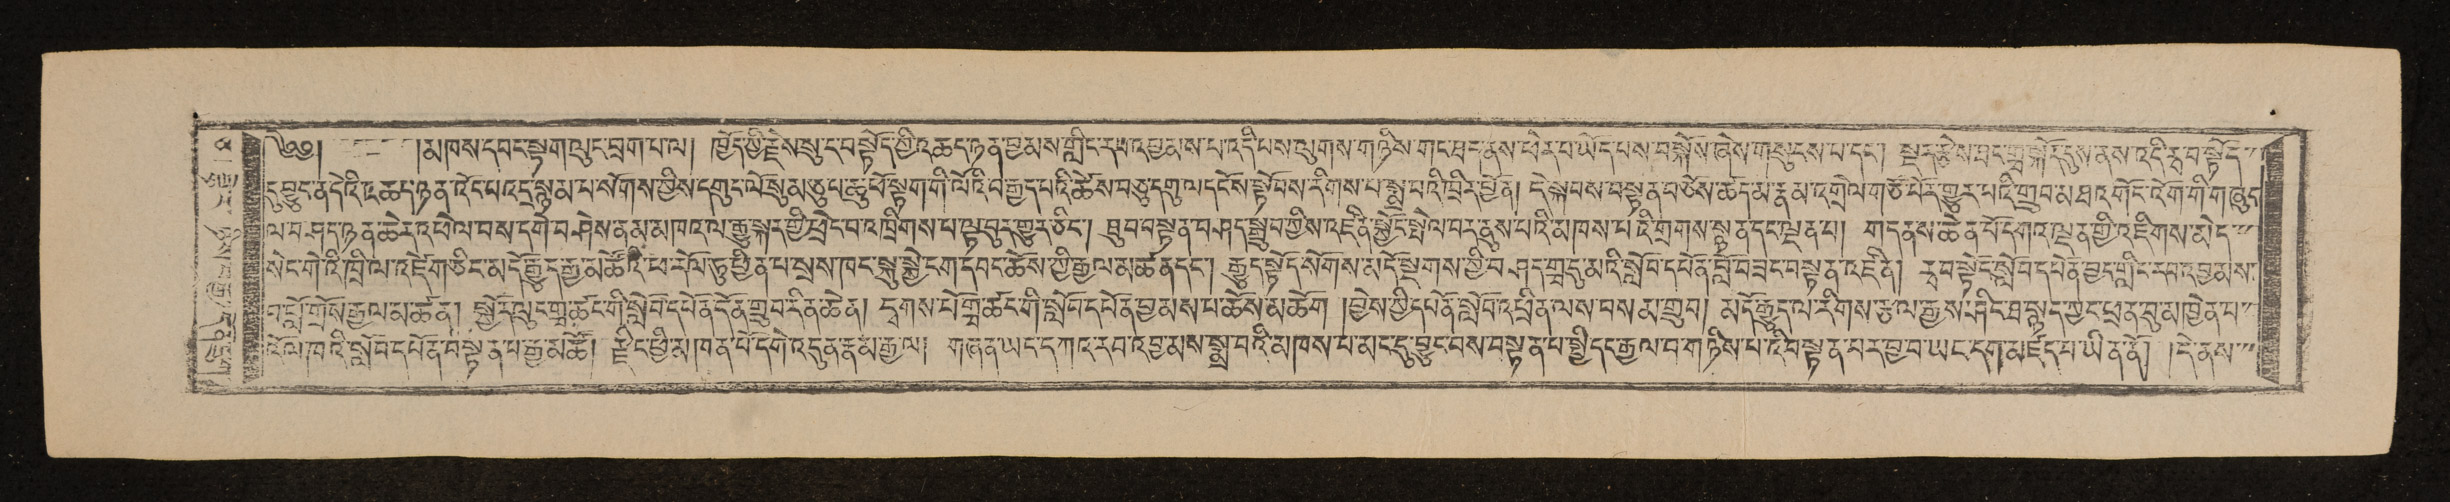༄༅། །མཁས་དབང་སྟག་ལུང་བྲག་པ་ལ། ཁྱོད་ཀྱི་རྗེས་སུ་རབ་སྟོད་ཀྱི་འཆད་ཉན་བྱམས་གླིང་རབ་འབྱམས་པ་འདི་པས་ལུགས་གཉིས་གང་ཐད་ནས་ཕེར་བ་ཡོད་པས་བསྐོས་ཞེས་གསུངས་པ་དང་། སྔར་རྩེས་ཐང་གྲྭ་སྐོར་དུས་ནས་འདི་རྭ་བ་སྟོད་
དུ་བྱུང་ན་དེའི་འཆད་ཉན་འོང་བ་འདྲ་སྙམ་པ་སོགས་ཀྱིས་དགུང་ལོ་སུམ་ཅུ་པ་ཆུ་ཕོ་སྟག་གི་ལོའི་བརྒྱད་པའི་ཚེས་བཅུ་དགུ་ལ་དངོས་སྟོབས་རིགས་པ་སྨྲ་བའི་ཁྲིར་བྱོན། དེ་སྐབས་བསྟན་བཅོས་ཚད་མ་རྣམ་འགྲེལ་གཙོ་བོར་གྱུར་པའི་གྲུབ་མཐའ་གོང་འོག་གི་གཞུང་
ལ་བཤད་ཉན་ཆེར་འཕེལ་བས་དགེ་བཤེས་ནམ་མཁའ་ལ་རྒྱུ་སྐར་གྱི་ཕྲེང་བ་འཁྲིགས་པ་ལྟ་བུར་གྱུར་ཅིང་། ཐུབ་བསྟན་བཤད་སྒྲུབ་ཀྱིས་འཛིན་སྐྱོང་སྤེལ་བར་ནུས་པའི་མཁས་པའི་གྲགས་སྙན་དང་ལྡན་པ། གདན་ས་ཆེན་པོ་དགའ་ལྡན་གྱི་འཇིགས་མེད་
སེང་གེའི་ཁྲི་ལ་འཛེག་ཅིང་མདོ་རྒྱུད་རྒྱ་མཚོའི་ཕ་རོལ་ཏུ་ཕྱིན་པ་སྲས་ཁང་སྐུ་སྐྱེ་ངག་དབང་ཆོས་ཀྱི་རྒྱལ་མཚན་དང་། རྒྱུད་སྟོད་སོགས་མདོ་སྔགས་ཀྱི་བཤད་གླ་དུ་མའི་སློབ་དཔོན་བློ་བཟང་བསྟན་འཛིན། རྭ་བསྟོད་སློབ་དཔོན་བྱང་གླིང་རབ་འབྱམས་
པ་བློ་གྲོས་རྒྱལ་མཚན། སྐྱོར་ལུང་གྲྭ་ཚང་གི་སློབ་དཔོན་དོན་གྲུབ་རིན་ཆེན། དྭགས་པོ་གྲྭ་ཚང་གི་སློབ་དཔོན་བྱམས་པ་ཆོས་མཆོག །བྱེས་ཀྱི་དཔོན་སློབ་འཕྲིན་ལས་བསམ་གྲུབ། མདོ་རྒྱུད་ལ་རིགས་རྩལ་རྒྱས་ཤིང་ཐ་སྙད་ཀྱང་ཕྲན་བུ་མཁྱེན་པ་
འོལ་ཁའི་སློབ་དཔོན་བསྟན་པ་རྒྱ་མཚོ། རྫིང་ཕྱི་མཁན་པོ་དགེ་འདུན་རྣམ་རྒྱལ། གཞན་ཡང་དཀའ་རབ་འབྱམས་སྨྲ་བའི་མཁས་པ་མང་དུ་བྱུང་བས་བསྟན་པ་སྤྱི་དང་རྒྱལ་བ་གཉིས་པའི་བསྟན་པར་བྱ་བ་ཡང་དག་མཛད་པ་ཡིན་ནོ། །དེ་ནས་